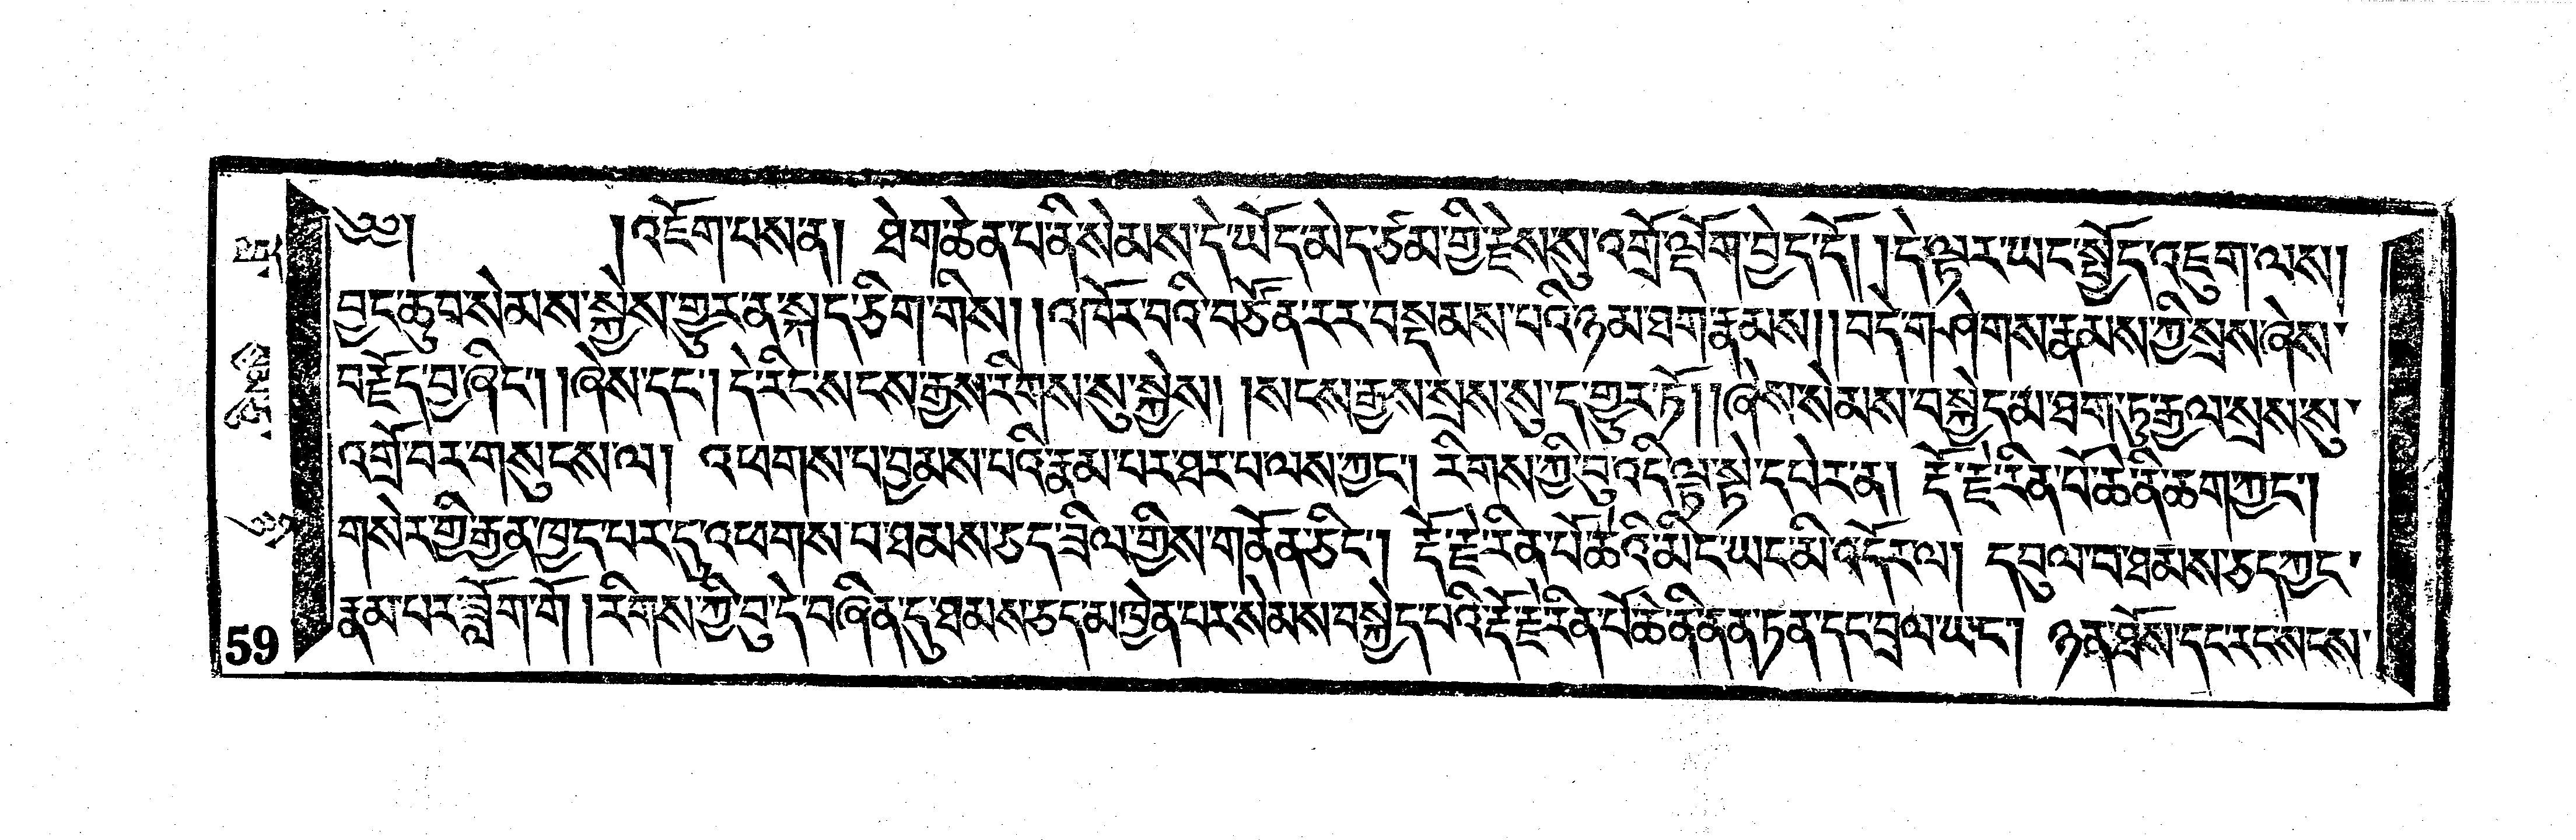༄༅། །འཇོག་པས་ན། ཐེག་ཆེན་པ་ནི་སེམས་དེ་ཡོད་མེད་ཙམ་གྱི་རྗེས་སུ་འགྲོ་ལྡོག་བྱེད་དོ། །དེ་ལྟར་ཡང་སྤྱོད་འཇུག་ལས།
བྱང་ཆུབ་སེམས་སྐྱེས་གྱུར་ན་སྐད་ཅིག་གིས། །འཁོར་བའི་བཙོན་རར་བསྡམས་པའི་ཉམ་ཐག་རྣམས། །བདེ་གཤེགས་རྣམས་ཀྱི་སྲས་ཞེས་
བརྗོད་བྱ་ཞིང་། །ཞེས་དང་། དེ་རིང་སངས་རྒྱས་རིགས་སུ་སྐྱེས། །སངས་རྒྱས་སྲས་སུ་ད་གྱུར་ཏོ། །ཞེས་སེམས་བསྐྱེད་མ་ཐག་ཏུ་རྒྱལ་སྲས་སུ་
འགྲོ་བར་གསུངས་ལ། འཕགས་པ་བྱམས་པའི་རྣམ་པར་ཐར་པ་ལས་ཀྱང་། རིགས་ཀྱི་བུ་འདི་ལྟ་སྟེ་དཔེར་ན། རྡོ་རྗེ་རིན་པོ་ཆེ་ནི་ཆག་ཀྱང་།
གསེར་གྱི་རྒྱན་ཁྱད་པར་དུ་འཕགས་པ་ཐམས་ཅད་ཟིལ་གྱིས་གནོན་ཅིང་། རྡོ་རྗེ་རིན་པོ་ཆེའི་མིང་ཡང་མི་འདོར་ལ། དབུལ་བ་ཐམས་ཅད་ཀྱང་
རྣམ་པར་ཟློག་གོ །རིགས་ཀྱི་བུ་དེ་བཞིན་དུ་ཐམས་ཅད་མཁྱེན་པར་སེམས་བསྐྱེད་པའི་རྡོ་རྗེ་རིན་པོ་ཆེ་ནི་ནན་ཏན་དང་བྲལ་ཡང་། ཉན་ཐོས་དང་རང་སངས་